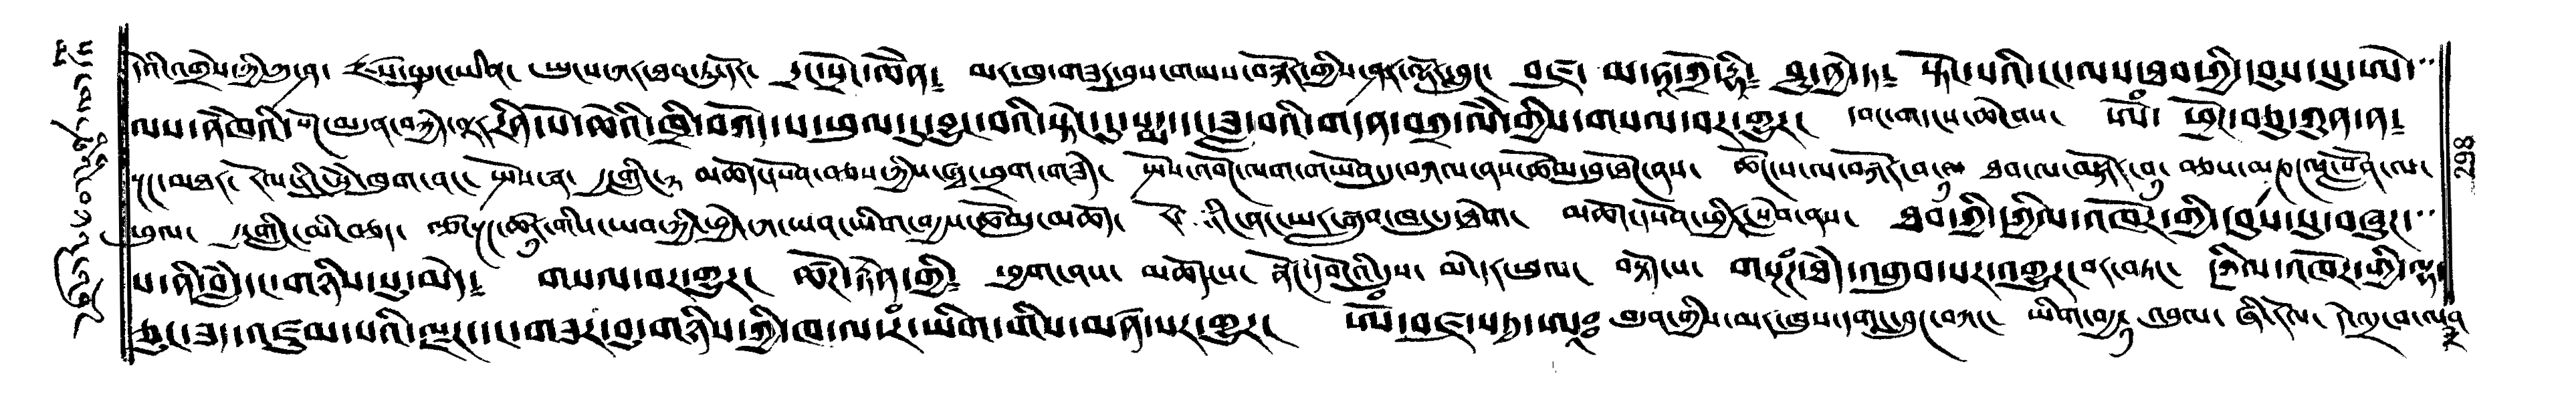དེའི་འགྲེས་ཀྱིས་ཀུ་ཤརྫས་སྤུང་ཡིན། ཡུངས་དཀར་ཐབ་ཏུ་དོར། དྲང་སྲོང་ཆེན་པོས༴ མར་ཁུ་གཟར་བུས་གཡས་བསྐོར་གྱིས་ཤར་ལྷོར་བླུགས། བཛྲ་མ་ཧཱ་ཀྲོ་དྷི༴ ཤུ་ནྱེ་ཏ༴ སྟོང་པའི་ངང་ལས་ཐབ་ཀྱི་དབུས་སུ་ཨེ
་ལས་ནམ་མཁའི༴ སོགས་མདུན་བསྐྱེད་ལྟར། རིན་པོ་ཆེའི་ཁྲི་བཀོད་པ་ཕུལ་དུ་བྱུང་བའི་སྟེང་དུ་པདྨ་དང་ཟླ་བའི་གདན་བཀྲ་ལམ་གྱིས་གསལ་བར་གྱུར། དབང་གདངས་ཆེ་བས། ཨོཾ། ཕྱོགས་བཅུ་ཀུན་ན༴ 
སྔགས་མཐར། རོལ་རིང་སུམ་ཁུག་ནང་། སྤོས་སྣ། རྒྱ་གླིང་གཉིས། མཆོད་དཔོན་བཅས་ཀྱིས་ཞྭ་ཕྲག་གཟེད། སྤོས་འབོགས་ལག་གཡོན་དུ་བཀལ་ནས་ཚོམ་བུ་ཐོགས་ནས། ཚོགས་པ་ལ་སྐོར་བ་གཅིག ཐབ་ལ་སྐོར་བ་གཅིག བཅས་མཎྜལ་སློབ་དཔོན་ལ་
ཕུལ། རྒྱ་གླིང་མི་བཅད། རྩ་སྔགས་ཚར་གཅིག་གིས་ཡབ་ཀྱི་ཕྱེད་ཀ་ཡན་ཡིག་བརྒྱས་ཚོམ་བུ་མཆོད། རོལ་རིང་ནང་ཡར་སྒྲུབ་ཁང་དུ་ཐེག མཆོད་དཔོན་ཕྱིར་སླེབ་ནས། ཐབ་ཀྱི་དཀྱིལ་འཁོར་གྱི་དབུས་སུ་བཞུགས་
པ་ནི་བླ་མ་དང་གཉིས་སུ་མེད༴ གསལ་བར་གྱུར། ཚོགས་རྟེན་གྱི༴ ཕྱག་ནས། མཆོད་པ། སྣ་ཚོགས་དབང་པོ འི་དུས་མེ་དར་ཕུལ། བསྟོད་པ། གསང་སྔགས་ཐམས་ཅད་འགྲུབ་པར་འགྱུར། བར་གཏང་། དཀྱིལ་འཁོར་གྱི་ལྷ་
ཅུང་ཟད་འཛུམ་པའི་ལྗགས་དང་གཟར་བུ་གཉིས་ཀྱི་ཁ་ལ་རཾ་ཡིག་གིས་མཚན་པར་གྱུར། ཨོཾ་བཛྲ་སཏྭ་ཨཱཿ བདུན་གྱིས་མར་ཁུས་དགང་བླུག་དགང་། ཡིག་བརྒྱ་གཅིག འབུལ། ཞི་རོལ། དེ་འདྲ་བ་ལན་གསུམ།